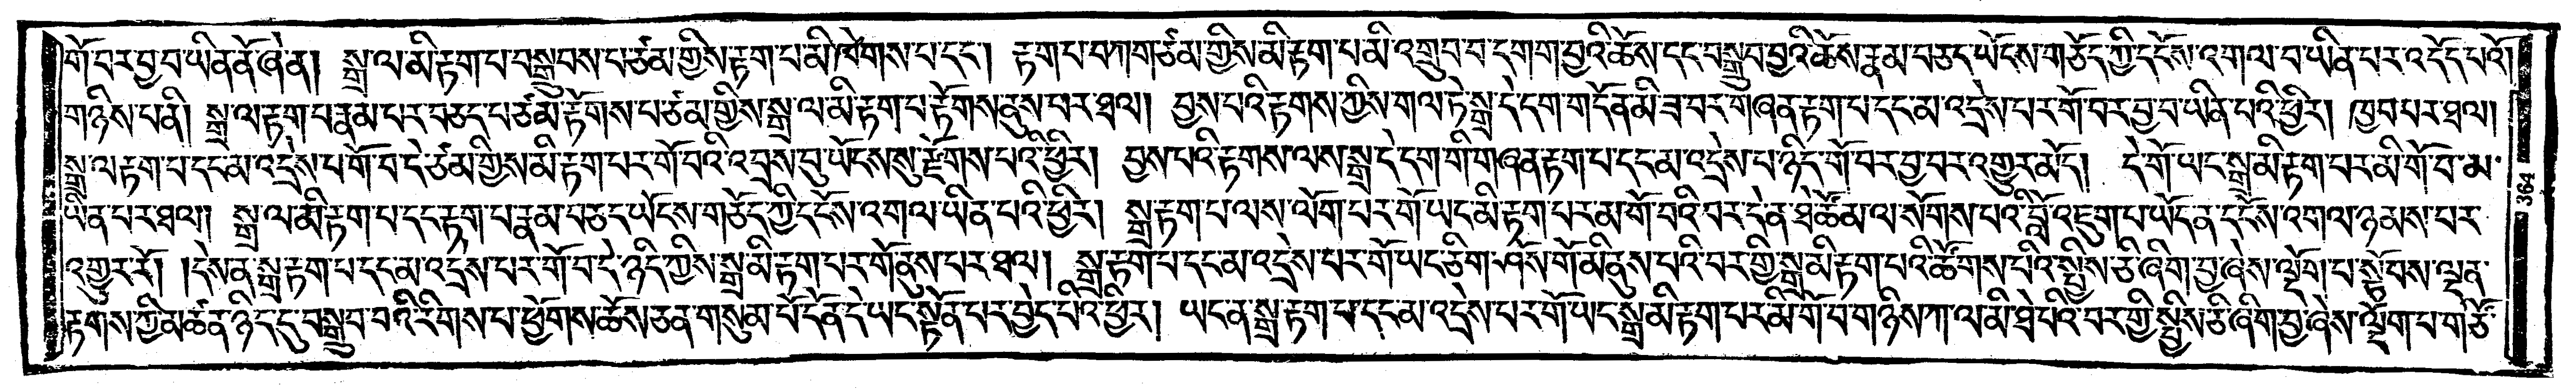གོ་བར་བྱ་བ་ཡིན་ནོ་ཞེ་ན། སྒྲ་ལ་མི་རྟག་པ་བསྒྲུབས་པ་ཙམ་གྱིས་རྟག་པ་མི་ཁེགས་པ་དང་། རྟག་པ་བཀག་ཙམ་གྱིས་མི་རྟག་པ་མི་འགྲུབ་པ་དགག་བྱའི་ཆོས་དང་བསྒྲུབ་བྱའི་ཆོས་རྣམ་བཅད་ཡོངས་གཅོད་ཀྱི་དངོས་འགལ་བ་ཡིན་པར་འདོད་པའོ།
གཉིས་པ་ནི། སྒྲ་ལ་རྟག་པ་རྣམ་པར་བཅད་པ་ཙམ་རྟོགས་པ་ཙམ་གྱིས་སྒྲ་ལ་མི་རྟག་པ་རྟོགས་ནུས་པར་ཐལ། བྱས་པའི་རྟགས་ཀྱིས་གལ་ཏེ་སྒྲ་དེ་དག་གདོན་མི་ཟ་བར་གཞན་རྟག་པ་དང་མ་འདྲེས་པར་གོ་བར་བྱ་བ་ཡིན་པའི་ཕྱིར། ཁྱབ་པར་ཐལ།
སྒྲ་ལ་རྟག་པ་དང་མ་འདྲེས་པ་གོ་བ་དེ་ཙམ་གྱིས་མི་རྟག་པར་གོ་བའི་འབྲས་བུ་ཡོངས་སུ་རྫོགས་པའི་ཕྱིར། བྱས་པའི་རྟགས་ལས་སྒྲ་དེ་དག་གི་གཞན་རྟག་པ་དང་མ་འདྲེས་པ་ཉིད་གོ་བར་བྱ་བར་འགྱུར་མོད། དེ་གོ་ཡང་སྒྲ་མི་རྟག་པར་མི་གོ་བ་མ་
ཡིན་པར་ཐལ། སྒྲ་ལ་མི་རྟག་པ་དང་རྟག་པ་རྣམ་བཅད་ཡོངས་གཅོད་ཀྱི་དངོས་འགལ་ཡིན་པའི་ཕྱིར། སྒྲ་རྟག་པ་ལས་ལོག་པར་གོ་ཡང་མི་རྟག་པར་མགོ་བའི་བར་དེ་ན་ཐེ་ཚོམ་ལ་སོགས་པའི་བློ་འཇུག་པ་ཡོད་ན་དངོས་འགལ་ཉམས་པར་
འགྱུར་རོ། །དེས་ན་སྒྲ་རྟག་པ་དང་མ་འདྲེས་པར་གོ་བ་དེ་ཉིད་ཀྱིས་སྒྲ་མི་རྟག་པར་གོ་ནུས་པར་ཐལ། སྒྲ་རྟག་པ་དང་མ་འདྲེས་པར་གོ་ཡང་ཅིག་ཤོས་གོ་མི་ནུས་པའི་བར་གྱི་སྒྲ་མི་རྟག་པའི་ཚོགས་པའི་སྤྱིས་ཅི་ཞིག་བྱ་ཞེས་ལྡོག་པ་སྟོབས་ལྡན་
རྟགས་ཀྱི་མཚན་ཉིད་དུ་བསྒྲུབ་བའི་རིགས་པ་ཕྱོགས་ཆོས་ཅན་གསུམ་པོ་དོན་དེ་ཡང་སྟོན་པར་བྱེད་པའི་ཕྱིར། ཡང་ན་སྒྲ་རྟག་པ་དང་མ་འདྲེས་པར་གོ་ཡང་སྒྲ་མི་རྟག་པར་མི་གོ་བ་གཉིས་ཀ་ལ་མི་ཐེ་པའི་བར་གྱི་སྤྱིས་ཅི་ཞིག་བྱ་ཞེས་ལྡོག་པ་གཙོ་